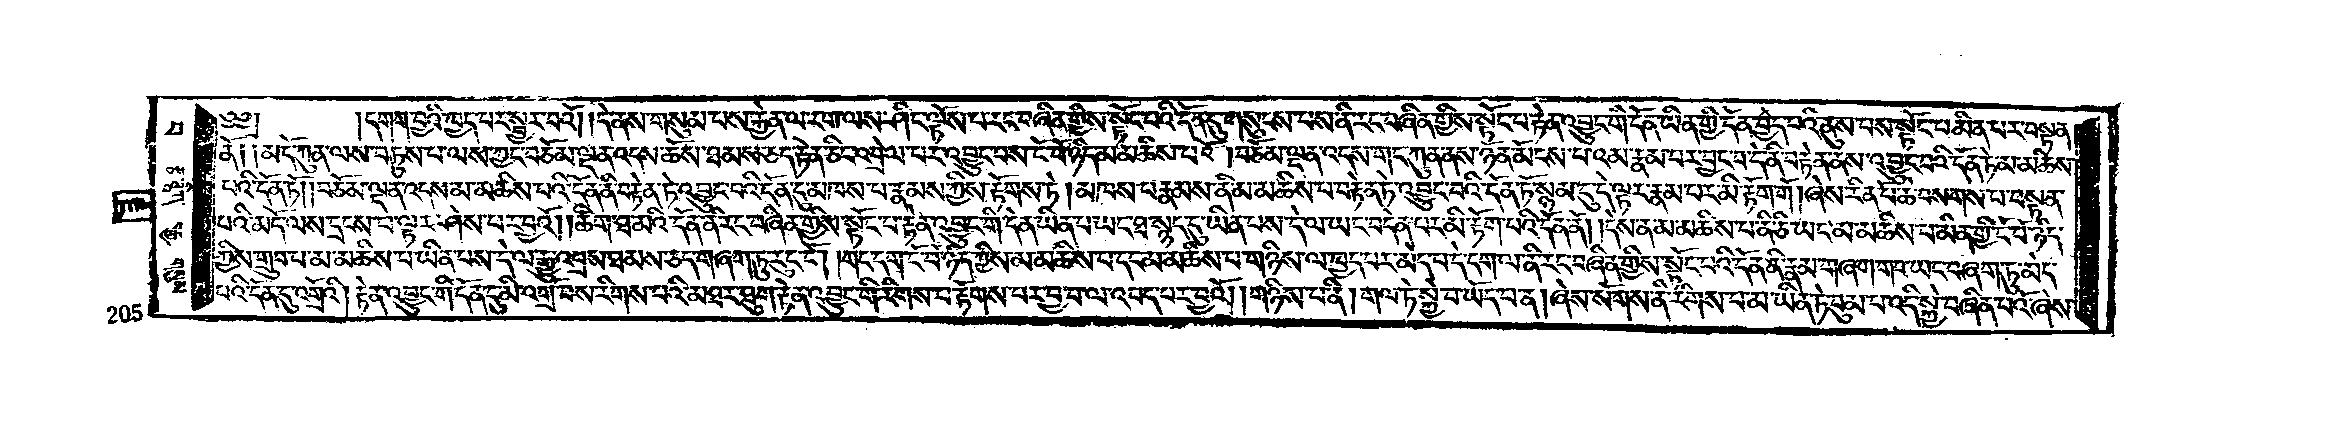༄༅། །དགག་བྱའི་ཁྱད་པར་སྦྱར་བའོ། །དེ་ནས་གསུམ་པས་རྐྱེན་ལ་རག་ལས་ཤིང་ལྟོས་པ་རང་བཞིན་གྱིས་སྟོང་པའི་དོན་དུ་གསུངས་པས་ནི་རང་བཞིན་གྱིས་སྟོང་པ་རྟེན་འབྱུང་གི་དོན་ཡིན་གྱི་དོན་བྱེད་པའི་ནུས་པས་སྟོང་པ་མིན་པར་བསྟན་
ནོ༑ ༑མདོ་ཀུན་ལས་བཏུས་པ་ལས་ཀྱང་བཅོམ་ལྡན་འདས་ཆོས་ཐམས་ཅད་རྟེན་ཅིང་འབྲེལ་པར་འབྱུང་བས་ངོ་བོ་ཉིད་མ་མཆིས་པ་།བཅོམ་ལྡན་འདས་གང་ཀུན་ནས་ཉོན་མོངས་པའམ་རྣམ་པར་བྱང་བ་དེ་ནི་བརྟེན་ནས་འབྱུང་པའི་དོན་ཏེ་མ་མཆིས་
པའི་དོན་ཏོ། །བཅོམ་ལྡན་འདས་མ་མཆིས་པའི་དོན་ནི་བརྟེན་ཏེ་འབྱུང་བའི་དོན་དུ་མཁས་པ་རྣམས་ཀྱིས་རྟོགས་ཏེ། མཁས་པ་རྣམས་ནི་མ་མཆིས་པ་བརྟེན་ཏ་འབྱུང་བའི་དོན་ཏོ་སྙམ་དུ་དེ་ལྟར་རྣམ་པར་མི་རྟོག་གོ། །ཞེས་རིན་པོ་ཆེ་བསགས་པ་བསྟན་
པའི་མདོ་ལས་དྲངས་པ་ལྟར་ཤེས་པར་བྱའོ། །ཆིག་ཐ་མའི་དོན་ནི་རང་བཞིན་གྱིས་སྟོང་པ་རྟེན་འབྱུང་གི་དོན་ཡིན་པ་ཡང་ཐ་སྙད་དུ་ཡིན་པས་དེ་ལ་ཡང་བདེན་པར་མི་རྟོག་པའི་དོན་ནོ། །དེས་ན་མ་མཆིས་པ་ནི་ཅི་ཡང་མ་མཆིས་པ་མིན་གྱི་ངོ་བོ་ཉིད་
ཀྱིས་གྲུབ་པ་མ་མཆིས་པ་ཡིན་པས་དེ་ལ་རྒྱུ་འབྲས་ཐམས་ཅད་གཞག་ཏུ་རུང་ངོ། །གང་དག་ངོ་བོ་ཉིད་ཀྱིས་མ་མཆིས་པ་དང་མ་མཆིས་པ་གཉིས་ལ་ཁྱད་པར་མེད་པ་དེ་དག་ལ་ནི་རང་བཞིན་གྱིས་སྟོང་པའི་དོན་ནི་རྣམ་གཞག་གང་ཡང་བཞག་ཏུ་མེད་
པའི་དོན་དུ་འགྲོའི། རྟེན་འབྱུང་གི་དོན་དུ་མི་འགྲོ་བས་རིགས་པའི་མཐར་ཐུག་རྟེན་འབྱུང་གི་རིགས་པ་རྟོགས་པར་བྱ་བ་ལ་འབད་པར་བྱའོ། །གཉིས་པ་ནི། གལ་ཏེ་སྐྱེ་བ་ཡོད་པ་ན། ཞེས་སོགས་ནི་རིགས་པ་མ་ཡིན་ཏེ་བུམ་པ་འདི་སྐྱེ་བཞིན་པའོ་ཞེས་